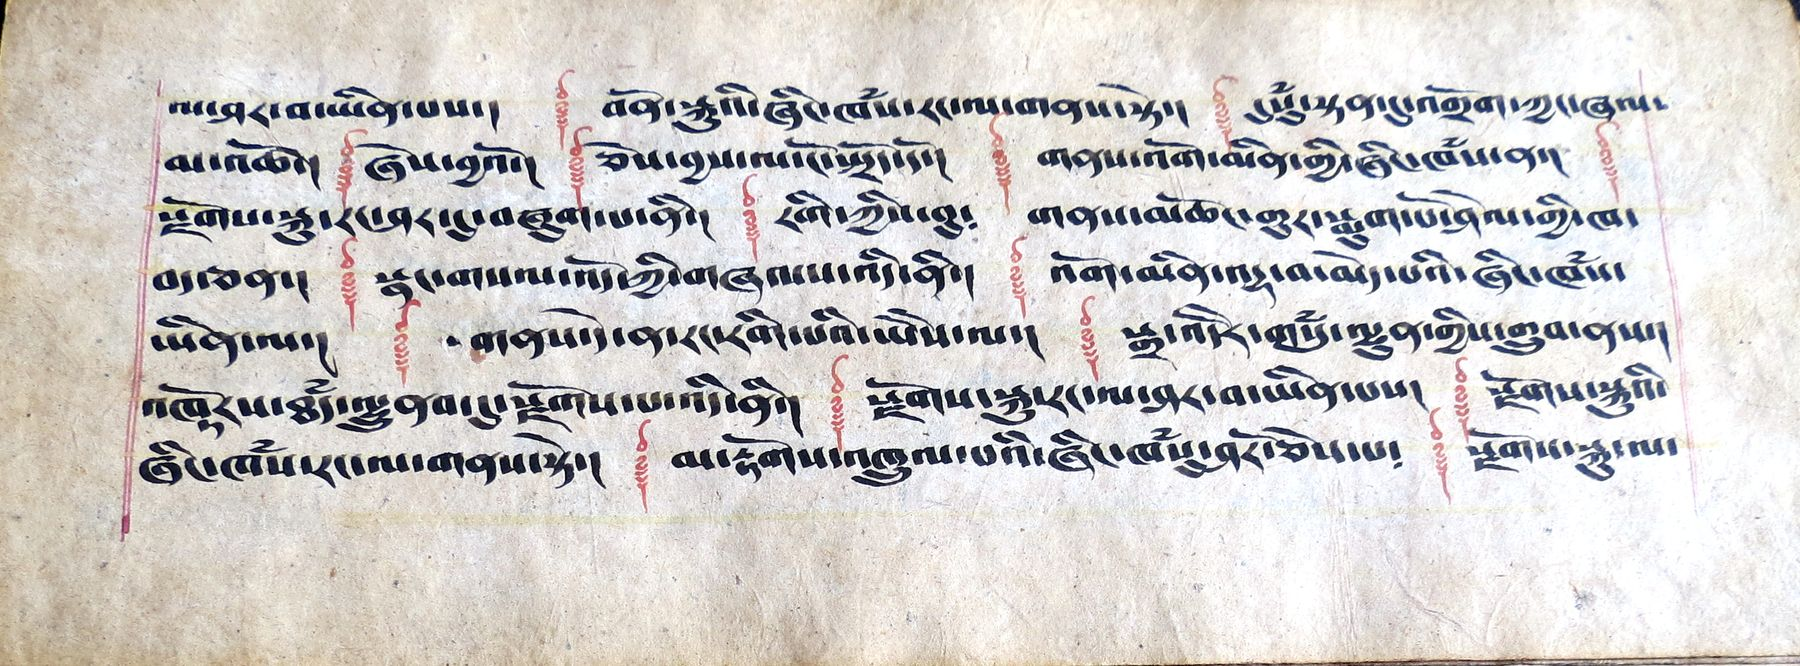ལ་ཤར་བ་ཡིན་པས། བོན་སྐུའི་ཞིང་ཁམས་རང་ལ་བཞུགས་ཏེ། དུས་གསུམ་གཏན་དུ་འགྲོགས་ཀྱང་ཞལ་
མ་འཚོ་ཞེས་བྱའོ། །ཞེས་བྱས་ལ་ངོ་སྤྲོད་དོ། །གནས་འོག་མིན་གྱི་ཞིང་ཁམས་ན། 
རྫོགས་སྐུ་རང་ཤར་དུ་བཞུགས་པ་ནི། རིགས་ཀྱི་བུ། གནས་མཆོང་གུར་སྨུག་པོ་ཤེལ་གྱི་ཁ་
བད་ཅན། སྣང་གསལ་འོད་ཀྱི་གཞལ་ཡས་འདི་ནི། འོག་མིན་འདའ་བ་མེད་པའི་ཞིང་ཁམས་
ཡིན་ལ། གནས་དེ་ན་རང་རིག་པའི་ཡེ་ཤེས་ལ། སྒྲ་འོད་ཟེར་གསུམ་ལྷུན་གྱིས་གྲུབ་ནས། 
འཁོར་འདས་ཐམས་ཅད་ལྷུན་གྲུབ་ཏུ་རྫོགས་པ་འདི་ནི། རྫོགས་སྐུ་རང་ཤར་ཡིན་པས། རྫོགས་སྐུའི་
ཞིང་ཁམས་རང་ལ་གནས་ཏེ། མ་རྟོགས་འཁྲུལ་པའི་ཞིང་ཁམས་སུ་ཤར་རོ། །ཞེས་པས། རྫོགས་སྐུ་ལ་